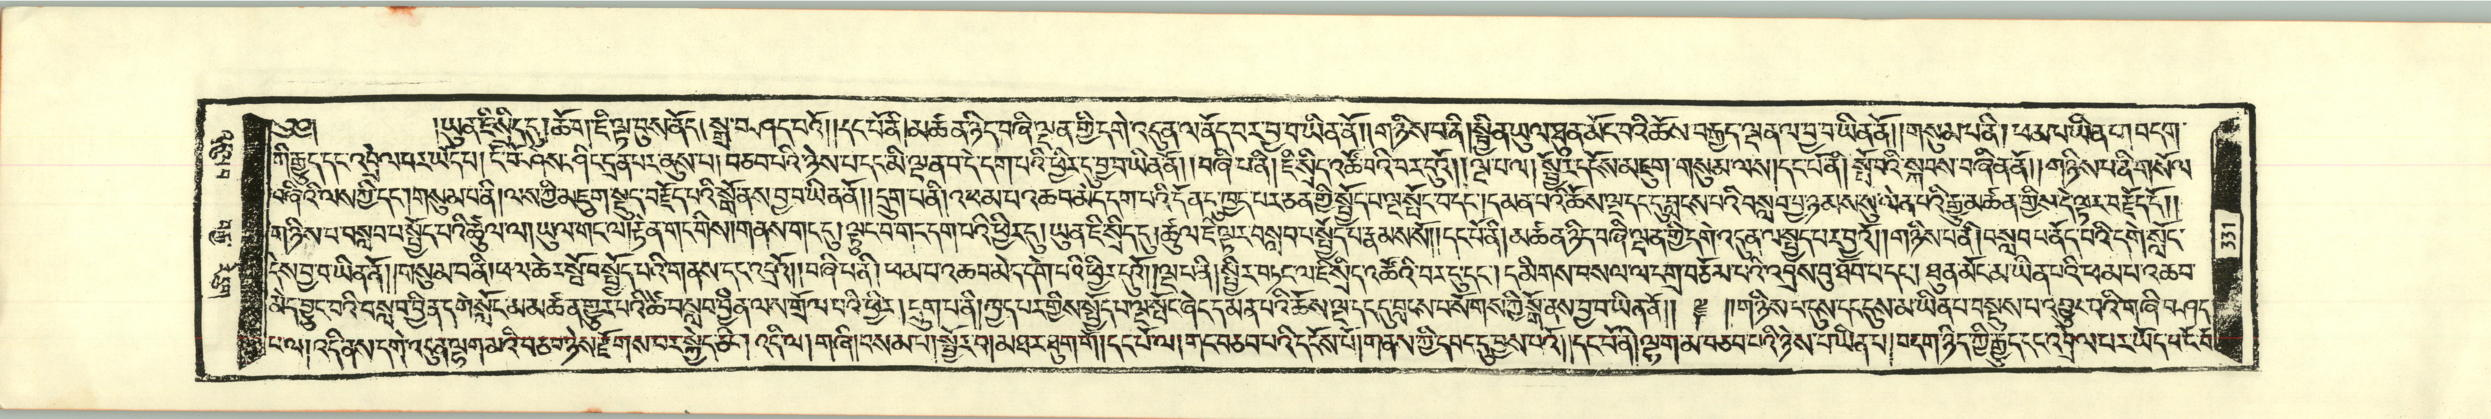༄༅། །ཡུན་ཇི་སྲིད་དུ། ཆོག་ཇི་ལྟ་བུས་ནོད། སྒྲ་བཤད་བའོ། །དང་པོ་ནི། མཚན་ཉིད་བཞི་ལྡན་གྱི་དགེ་འདུན་ལ་ནོད་བར་བྱ་བ་ཡིན་ནོ། །གཉིས་པ་ནི། སྦྱིན་ཡུལ་ཐུན་མོང་བའི་ཆོས་བརྒྱད་ལྡན་ལ་བྱ་བ་ཡིན་ནོ། །གསུམ་པ་ནི། ཕམ་པ་ཡིན་པ། བདག་
གི་རྒྱུད་དང་འབྲེལ་པར་ཡོད་པ། ངོ་བོ་ཤེས་ཤིང་དྲན་པར་ནུས་པ། བཅབ་པའི་ཉེས་པ་དང་མི་ལྡན་པ་དེ་དག་པའི་ཕྱིར་དུ་བྱ་བ་ཡིན་ནོ། །བཞི་པ་ནི། ཇི་སྲིད་འཚོ་བའི་བར་དུའོ། །ལྔ་པ་ལ། སྦྱོར་དངོས་མཇུག་གསུམ་ལས། དང་པོ་ནི། སྤོ་བའི་སྐབས་བཞིན་ནོ། །གཉིས་པ་ནི་གསོལ་
བཞིའི་ལས་ཀྱི་དང་། གསུམ་པ་ནི། ལས་ཀྱི་མཇུག་སྡུད་བརྗོད་པའི་སྒོ་ནས་བྱ་བ་ཡིན་ནོ། །དྲུག་པ་ནི། འཕམ་པ་འཆབ་མེད་དག་པའི་དོན་དུ་ཁྱད་པར་ཅན་གྱི་སྤྱོད་པ་ལྔ་སྤོང་བ་དང་། དམན་པའི་ཆོས་ལྔ་དང་དུ་བླངས་པའི་བསླབ་བྱ་ཉམས་སུ་ལེན་པའི་རྒྱུ་མཚན་གྱིས་དེ་ལྟར་བརྗོད་དོ། །
གཉིས་པ་བསླབ་པ་སྤྱོད་པའི་ཚུལ་ལ། ཡུལ་གང་ལ་རྟེན་གང་གིས། གནས་གང་དུ། ལྟུང་བ་གང་དག་པའི་ཕྱིར་དུ། ཡུན་ཇི་སྲིད་དུ། ཚུལ་ཇི་ལྟར་བསླབ་པ་སྤྱོད་པ་རྣམས་སོ། །དང་པོ་ནི། མཚན་ཉིད་བཞི་ལྡན་གྱི་དགེ་འདུན་ལ་སྤྱད་པར་བྱའོ། །གཉིས་པ་ནི། བསླབ་པ་ནོད་པའི་དགེ་སློང་
དེས་བྱ་བ་ཡིན་ནོ། །གསུམ་པ་ནི། ཕལ་ཆེར་སྤོ་བ་སྤྱོད་པའི་གནས་དང་འདྲའོ། །བཞི་པ་ནི། ཕམ་པ་འཆབ་མེད་དགེ་བའི་ཕྱིར་དུའོ། །ལྔ་པ་ནི། སྤྱིར་བཏང་ལ་ཇི་སྲིད་འཚོའི་བར་དུ་དང་། དམིགས་བསལ་ལ་དགྲ་བཅོམ་པའི་འབྲས་བུ་ཐོབ་པ་དང་། ཐུན་མོང་མ་ཡིན་པའི་ཕམ་པ་འཆབ་
མེད་བྱུང་བའི་བསླབ་བྱིན་དགེ་སློང་མ་མཚན་གྱུར་པའི་ཚེ་བསླབ་བྱིན་ལས་གྲོལ་པའི་ཕྱིར། དྲུག་པ་ནི། ཁྱད་པར་གྱིས་སྤྱོད་པ་ལྔ་སྤོང་ཞེད་དམན་པའི་ཆོས་ལྔ་དང་དུ་བླངས་པ་སོགས་ཀྱི་སྒོ་ནས་བྱ་བ་ཡིན་ནོ།། ༈ །།གཉིས་པ་དུས་དང་དུས་མ་ཡིན་པ་བསྡུས་པ་འབྱུང་བའི་གཞི་བཤད་
པ་ལ། འདི་ནས་དགེ་འདུན་ལྷག་མའི་བཅབ་ཉེས་རྫོགས་པར་སྐྱེད་ཅིང་། འདི་ལ། གཞི། བསམ་པ། སྦྱོར་བ། མཐར་ཐུག་གོ །དང་པོ་ལ། གང་བཅབ་པའི་དངོས་པོ། གནས་ཀྱི་དབང་དུ་བྱས་པའོ། །དང་པོ་ནི། ལྷག་མ་བཅབ་པའི་ཉེས་པ་ཡིན་པ། བདག་ཉིད་ཀྱི་རྒྱུད་དང་འབྲེལ་པར་ཡོད་པ་ངོ་བོ་